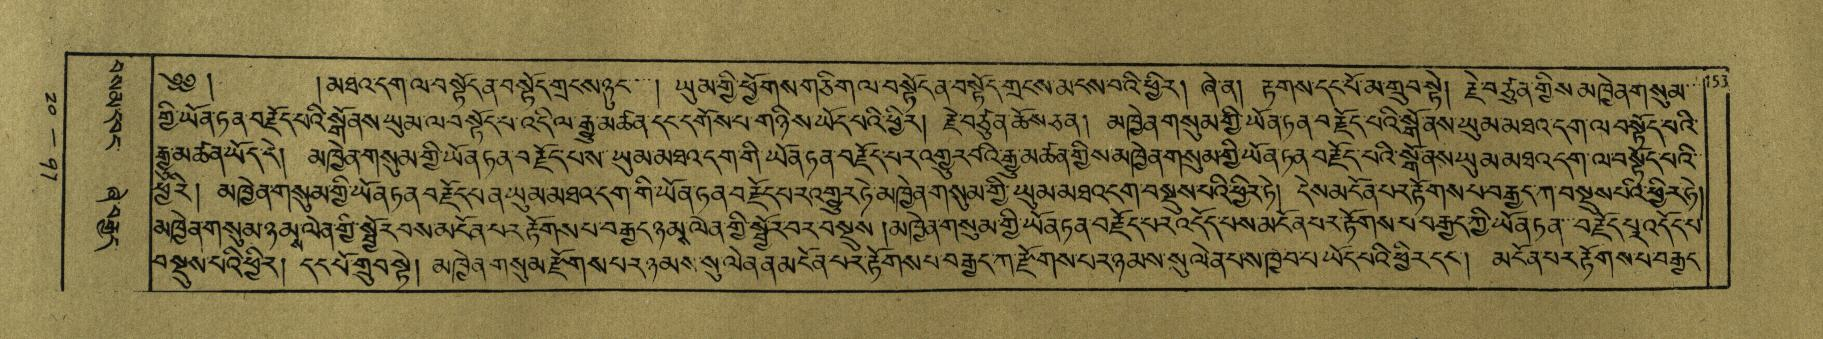༄༅། །མཐའ་དག་ལ་བསྟོད་ན་བསྟོད་གྲངས་ཉུང་། ཡུམ་གྱི་ཕྱོགས་གཅིག་ལ་བསྟོད་ན་བསྟོད་གྲངས་མངས་བའི་ཕྱིར། ཞེ་ན། རྟགས་དང་པོ་མ་གྲུབ་སྟེ། རྗེ་བཙུན་གྱིས་མཁྱེན་གསུམ་
གྱི་ཡོན་ཏན་བརྗོད་པའི་སྒོ་ནས་ཡུམ་ལ་བསྟོད་པ་འདི་ལ་རྒྱུ་མཚན་དང་དགོས་པ་གཉིས་ཡོད་པའི་ཕྱིར། རྗེ་བཙུན་ཆོས་ཅན། མཁྱེན་གསུམ་གྱི་ཡོན་ཏན་བརྗོད་པའི་སྒོ་ནས་ཡུམ་མཐའ་དག་ལ་བསྟོད་པའི་
རྒྱུ་མཚན་ཡོད་དེ། མཁྱེན་གསུམ་གྱི་ཡོན་ཏན་བརྗོད་པས་ཡུམ་མཐའ་དག་གི་ཡོན་ཏན་བརྗོད་པར་འགྱུར་བའི་རྒྱུ་མཚན་གྱིས་མཁྱེན་གསུམ་གྱི་ཡོན་ཏན་བརྗོད་པའི་སྒོ་ནས་ཡུམ་མཐའ་དག་ལ་བསྟོད་པའི་
ཕྱིར། མཁྱེན་གསུམ་གྱི་ཡོན་ཏན་བརྗོད་པ་ན་ཡུམ་མཐའ་དག་གི་ཡོན་ཏན་བརྗོད་པར་འགྱུར་ཏེ་མཁྱེན་གསུམ་གྱི་ཡུམ་མཐའ་དག་བསྡུས་པའི་ཕྱིར་ཏེ། དེས་མངོན་པར་རྟོགས་པ་བརྒྱད་ཀ་བསྡུས་པའི་ཕྱིར་ཏེ།
མཁྱེན་གསུམ་ཉམས་ལེན་གྱི་སྦྱོར་བས་མངོན་པར་རྟོགས་པ་བརྒྱད་ཉམས་ལེན་གྱི་སྦྱོར་བར་བསྡུས། མཁྱེན་གསུམ་གྱི་ཡོན་ཏན་བརྗོད་པར་འདོད་པས་མངོན་པར་རྟོགས་པ་བརྒྱད་ཀྱི་ཡོན་ཏན་བརྗོད་པར་འདོད་པ་
བསྡུས་པའི་ཕྱིར། དང་པོ་གྲུབ་སྟེ། མཁྱེན་གསུམ་རྫོགས་པར་ཉམས་སུ་ལེན་ན་མངོན་པར་རྟོགས་པ་བརྒྱད་ཀ་རྫོགས་པར་ཉམས་སུ་ལེན་པས་ཁྱབ་པ་ཡོད་པའི་ཕྱིར་དང་། མངོན་པར་རྟོགས་པ་བརྒྱད་